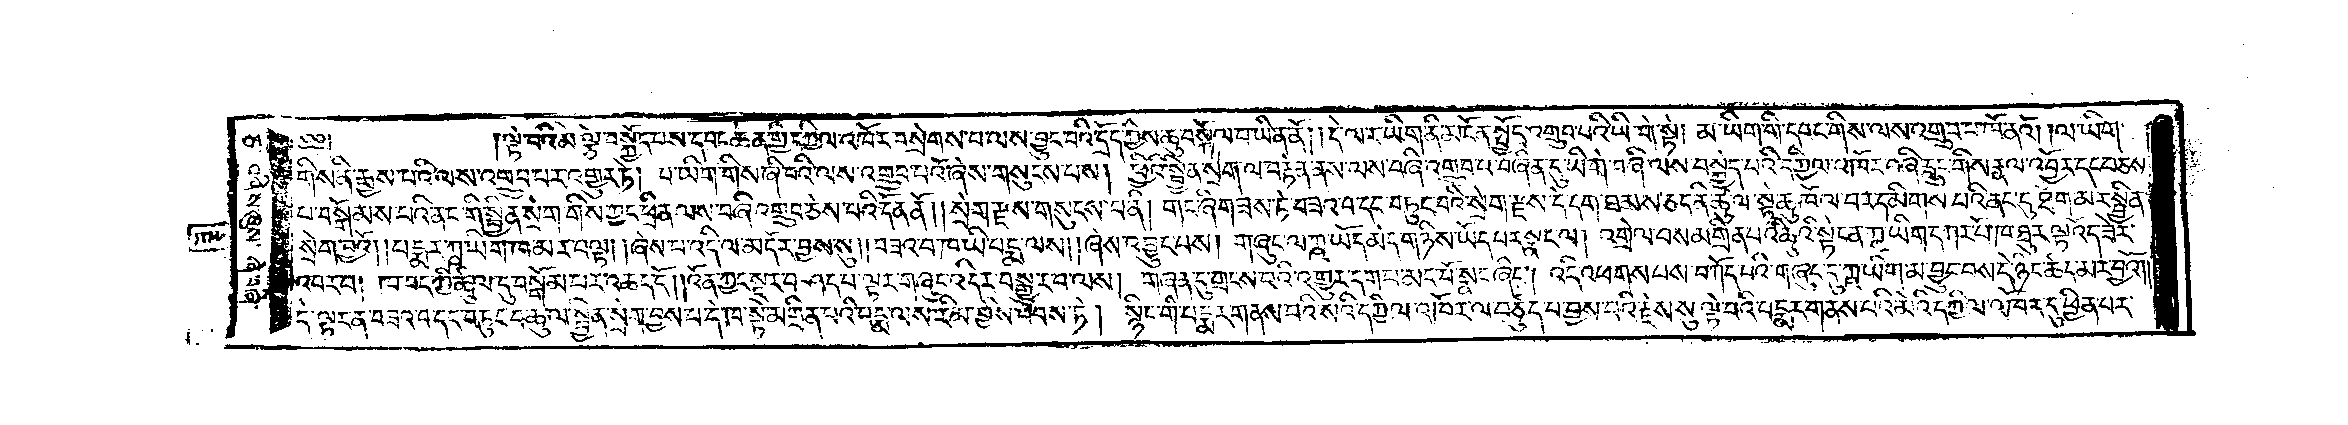༄༅། །ལྟེ་བའི་མེ་ལྕེ་བསྐྱོད་པས་དབང་ཆེན་གྱི་དཀྱིལ་འཁོར་བསྲེགས་པ་ལས་བྱུང་བའི་དྲོད་ཀྱིས་ཆུ་བསྐོལ་པ་ཡིན་ནོ། །དེ་ལ་ར་ཡིག་ནི་མངོན་སྤྱོད་འགྲུབ་པའི་ཡི་གེ་སྟེ། མ་ཡིག་གི་དབང་གིས་ལས་འགྲུབ་པ་ཁོ་ནའོ། །ལ་ཡིག་
གིས་ནི་རྒྱས་པའི་ལས་འགྲུབ་པར་འགྱུར་ཏེ། བ་ཡིག་གིས་ཞི་བའི་ལས་འགྲུབ་པའོ་ཞེས་གསུངས་པས། ཕྱིའི་སྦྱིན་སྲེག་ལ་བརྟེན་ནས་ལས་བཞི་འགྲུབ་པ་བཞིན་དུ་ཡི་གེ་བཞི་ལས་བསྐྱེད་པའི་དཀྱིལ་འཁོར་བཞི་རླུང་གིས་རྣལ་འབྱོར་དང་བཅས་
པ་བསྒོམས་པའི་ནང་གི་སྦྱིན་སྲེག་གིས་ཀྱང་ཕྲིན་ལས་བཞི་འགྲུབ་ཅེས་པའི་དོན་ནོ། །སྲེག་རྫས་གསུངས་པ་ནི། གང་ཞིག་ཟས་ཏེ་བཟའ་བ་དང་བཏུང་བའི་སྲེག་རྫས་དེ་དག་ཐམས་ཅད་ནི་ཆུ་ལ་སྟེ་ཆུ་ཁོལ་བར་དམིགས་པའི་ནང་དུ་ཐོག་མར་སྦྱིན་
སྲེག་བྱའོ། །པདམར་ཀྵ་ཡིག་ཁ་མར་བལྟ། །ཞེས་པ་འདི་ལ་མདོར་བྱས་སུ། །བཟའ་བ་ཁ་ཡི་པདམ་ལས། །ཞེས་འབྱུང་བས། གཞུང་ལ་ཀྵ་ཡོད་མེད་གཉིས་ཡོད་པར་སྣང་ལ། འགྲེལ་པས་མགྲིན་པའི་ཆུའི་སྟེང་ན་ཀྵ་ཡིག་དཀར་པོ་ཁ་ཐུར་ལྟ་འོད་ཟེར་
འབར་བ། །བ་བད་?་ཀྱི་ཚུལ་དུ་བསྒོམ་པར་འཆད་དོ། །འོན་ཀྱང་སྔར་བཤད་པ་ལྟར་གཞུང་འདིར་བསྒྱུར་བ་ལས། གཞན་དུ་གྲངས་པའི་འགྱུར་དག་པ་མང་པོ་སྣང་ཞིང་། འདི་འཕགས་པས་བཀོད་པའི་གཞུང་དུ་ཀྵ་ཡིག་མ་བྱུང་བས་དེ་ཉིད་ཚད་མར་བྱའོ།།
དེ་ལྟར་ན་བཟའ་བ་དང་བཏུང་བ་ཆུ་ལ་སྦྱིན་སྲེག་བྱས་པ་དེ་ཁ་སྟེ་མགྲིན་པའི་པདམ་ལས་རིམ་གྱིས་བབས་ཏེ། སྙིང་གི་པདམར་གནས་པའི་སའི་དཀྱིལ་འཁོར་ལ་བཙུད་པ་བྱས་པའི་རྗེས་སུ་ལྟེ་བའི་པདམར་གནས་པའི་མེའི་དཀྱིལ་འཁོར་དུ་ཕྱིན་པར་